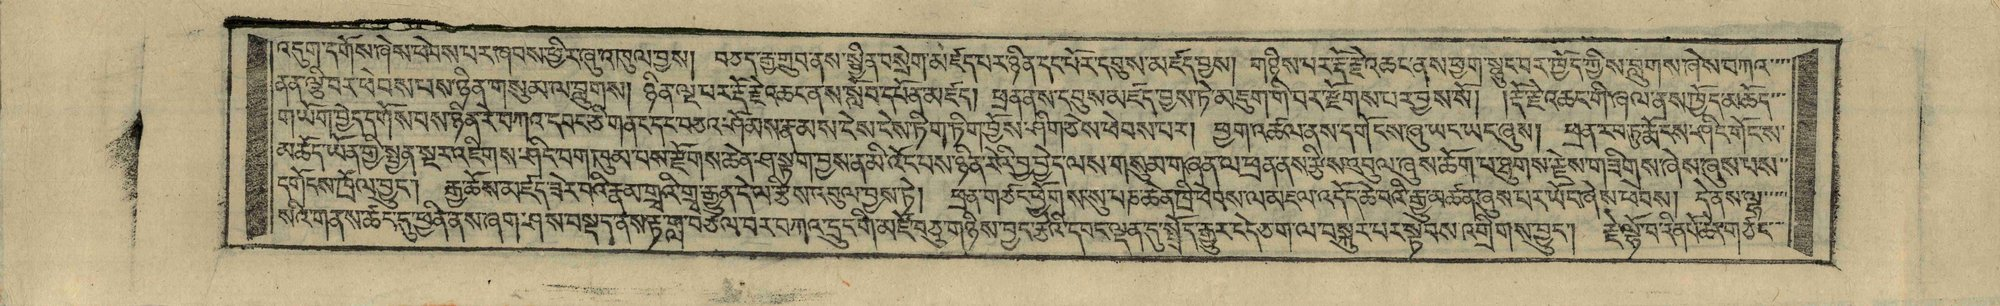འདུག་དགོས་ཞེས་ཕེབས་པར་ཞབས་ཕྱིར་ཞུ་འཁུལ་བྱས། བཅད་རྒྱ་གྲུབ་ནས་སྦྱིན་བསྲེག་མཛད་པར་ཉིན་དང་པོར་དབུས་མཛད་བྱས། གཉིས་པར་རྡོ་རྗེ་འཆང་ནས་ཕྱག་སྙུང་བར་ཁྱོད་ཀྱིས་བླུགས་ཞེས་བཀའ་
ནན་ལྕི་བར་ཕེབས་པས་ཉིན་གསུམ་ལ་བླུགས། ཉིན་ལྔ་པར་རྡོ་རྗེ་འཆང་ནས་སློབ་དཔོན་མཛད། ཕྲན་ནས་དབུས་མཛད་བྱས་ཏེ་མཇུག་གི་བར་རྫོགས་པར་བྱས་སོ། །རྡོ་རྗེ་འཆང་གི་ཞལ་ནས་ཁྱོད་མཆོད་
གཡོག་བྱེད་དགོས་པས་ཉིན་རེ་བཀའ་དབང་ཅི་གནང་དང་བཅའ་ཤོམས་རྣམས་ངེས་ངེས་ཏིག་ཏིག་བྱོས་ཤིག་ཅེས་ཕེབས་པར། ཕྱག་འཚལ་ནས་དགོངས་ཞུ་ཡང་ཡང་ཞུས། ཕྲན་རབ་ཏུ་རྨོངས་ཤིང་གོངས་
མཆོད་ཡོན་གྱི་སྤྱན་སྔར་འཇིགས་ཤིང་བག་ཁུམ་པས་རྫོགས་ཆེན་ཤ་སྟག་བྱས་ན་མི་འོང་བས་ཉིན་རེའི་བྱ་བྱེད་ལས་གསུམ་གཞན་ལ་ཕྲན་ནས་རྩིས་འབུལ་ཞུས་ཆོག་པ་ཐུགས་རྗེས་གཟིགས་ཞེས་ཞུས་པས་
དགོངས་ཁྲོལ་བྱུང་། རྒྱ་ཆོས་མཛད་ཟེར་བའི་རྣམ་གྲྭའི་གྲྭ་རྒྱུན་དེ་ལ་རྩིས་འབུལ་བྱས་ཏེ། ཕྲན་གཙང་ཕྱོགས་སུ་པཎ་ཆེན་ཁྲི་ཕེབས་ལ་མཇལ་འདོད་ཆེ་བའི་རྒྱུ་མཚན་ཞུས་པར་ཡོང་ཞེས་ཕེབས། དེ་ནས་ལྷ་
སའི་གནས་ཚང་དུ་ཕྱིན་ནས་ཞག་ཤས་བསྡད་ནས་རྟ་གླ་བཙལ་བར་བཀའ་དྲུང་གི་མཛེ་བཅུ་གཉིས་བྱང་རྩེའི་དབང་ལྡན་དུ་སྤྲོད་རྒྱུར་ངེད་ཅག་ལ་བསྐུར་བར་སྟབས་འགྲིགས་བྱུང་། རྗེ་ལྷོ་བ་རིན་པོ་ཆེར་གཙང་